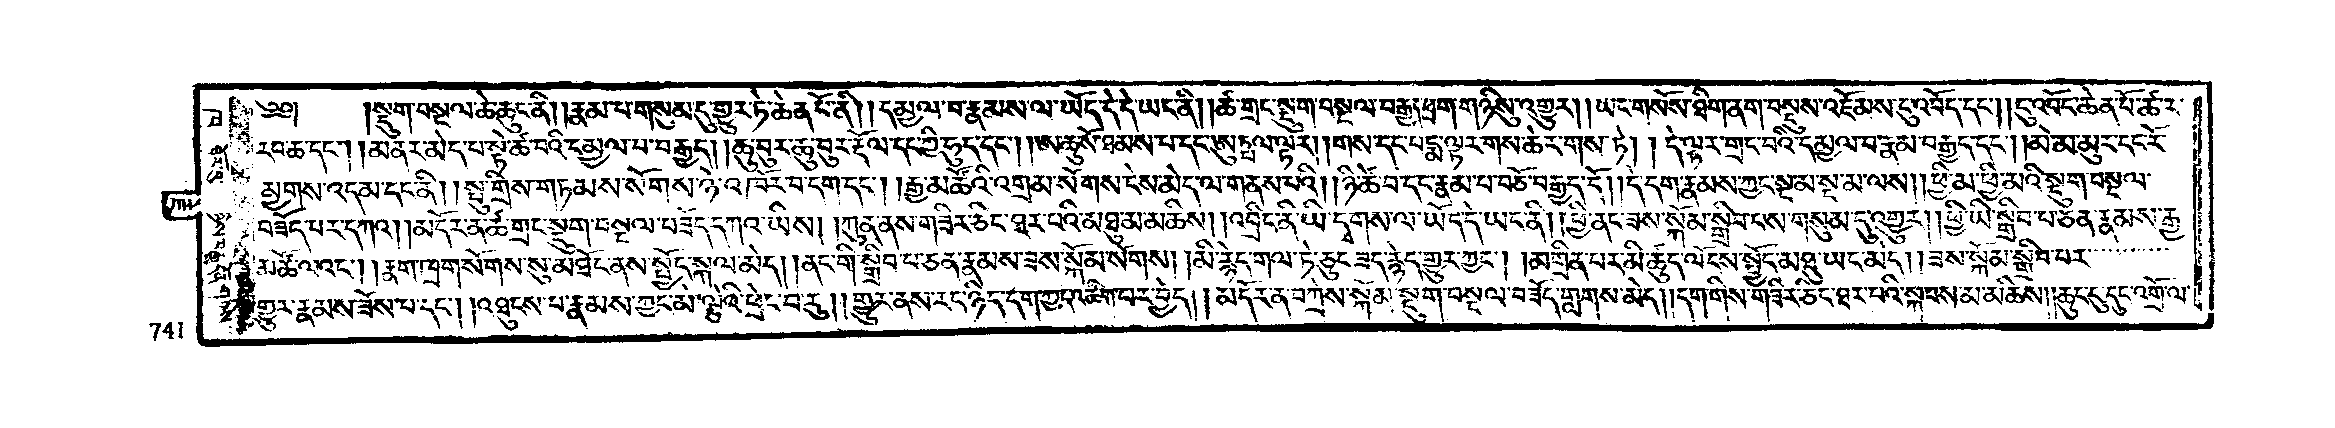༄༅། །སྡུག་བསྔལ་ཆེ་ཆུང་ནི། །རྣམ་པ་གསུམ་དུ་གྱུར་ཏེ་ཆེན་པོ་ནི། །དམྱལ་བ་རྣམས་ལ་ཡོད་དེ་དེ་ཡང་ནི། །ཚ་གྲང་སྡུག་བསྔལ་བརྒྱད་ཕྲག་གཉིས་སུ་འགྱུར། །ཡང་གསོས་ཐིག་ནག་བསྡུས་འཇོམས་དུ་འབོད་དང་། །དུ་འབོད་ཆེན་པོ་ཚ་པ་
རབ་ཆ་དང་། །མནར་མེད་པ་སྟེ་ཚ་བའི་དམྱལ་བ་བརྒྱད། །ཆུ་བུར་ཆུ་བུར་རྡོལ་དང་ཀྱི་ཧུད་དང་། །ཨ་ཆུ་སོ་ཐམས་པ་དང་ཨུཏྤལ་ལྟར། །གས་དང་པདམ་ལྟར་གས་ཆེར་གས་ཏེ། །དེ་ལྟར་གྲང་བའི་དམྱལ་བ་རྣམ་བརྒྱད་དང་། །མེ་མ་མུར་དང་རོ་
མྱགས་འདམ་དང་ན། །སྤུ་གྲིས་གཏམས་སོགས་ཉེ་འཁོར་བདག་དང་། །རྒྱ་མཚོའི་འགྲམ་སོགས་ངེས་མེད་ལ་གནས་པའི། །ཉི་ཚེ་བ་དང་རྣམ་པ་བཅོ་བརྒྱད་དོ། །དེ་དག་རྣམས་ཀྱང་སྔ་མ་སྔ་མ་ལས། །ཕྱི་མ་ཕྱི་མའི་སྡུག་བསྔལ་
བཟོད་པར་དཀའ། །མདོར་ན་ཚ་གྲང་སྡུག་བསྔལ་བཟོད་དཀའ་ཡིས། །ཀུན་ནས་གཟིར་ཅིང་ཐར་པའི་མཐུ་མ་མཆིས། །འབྲིང་ནི་ཡི་དྭགས་ལ་ཡོད་དེ་ཡང་ནི། །ཕྱི་ནང་ཟས་སྐོམ་སྒྲིབ་པས་གསུམ་དུ་འགྱུར། །ཕྱི་ཡི་སྒྲིབ་པ་ཅན་རྣམས་རྒྱ་
མཚོ་ལའང་། །རྣག་ཁྲག་སོགས་སུ་མཐོང་ནས་སྤྱོད་སྐལ་མེད། །ནང་གི་སྒྲིབ་པ་ཅན་རྣམས་ཟས་སྐོམ་སོགས། །མི་རྙེད་གལ་ཏེ་ཅུང་ཟད་རྙེད་གྱུར་ཀྱང་། །མགྲིན་པར་མི་ཚུད་ལོངས་སྤྱོད་མཐུ་ཡང་མེད། །ཟས་སྐོམ་སྒྲིབ་པར་
གྱུར་རྣམས་ཟོས་པ་དང་། །འཐུངས་པ་རྣམས་ཀྱང་མེ་ལྕེའི་ཕྲེང་བ་རུ། །གྱུར་ནས་རང་ཉིད་དག་ཀྱང་འཚིག་པར་བྱེད། །མདོར་ན་བཀྲེས་སྐོམ་སྡུག་བསྔལ་བཟོད་གླགས་མེད། །དག་གིས་གཟིར་ཅིང་ཐར་པའི་སྐབས་མ་མཆིས། །ཆུང་ངུ་དུད་འགྲོ་ལ་